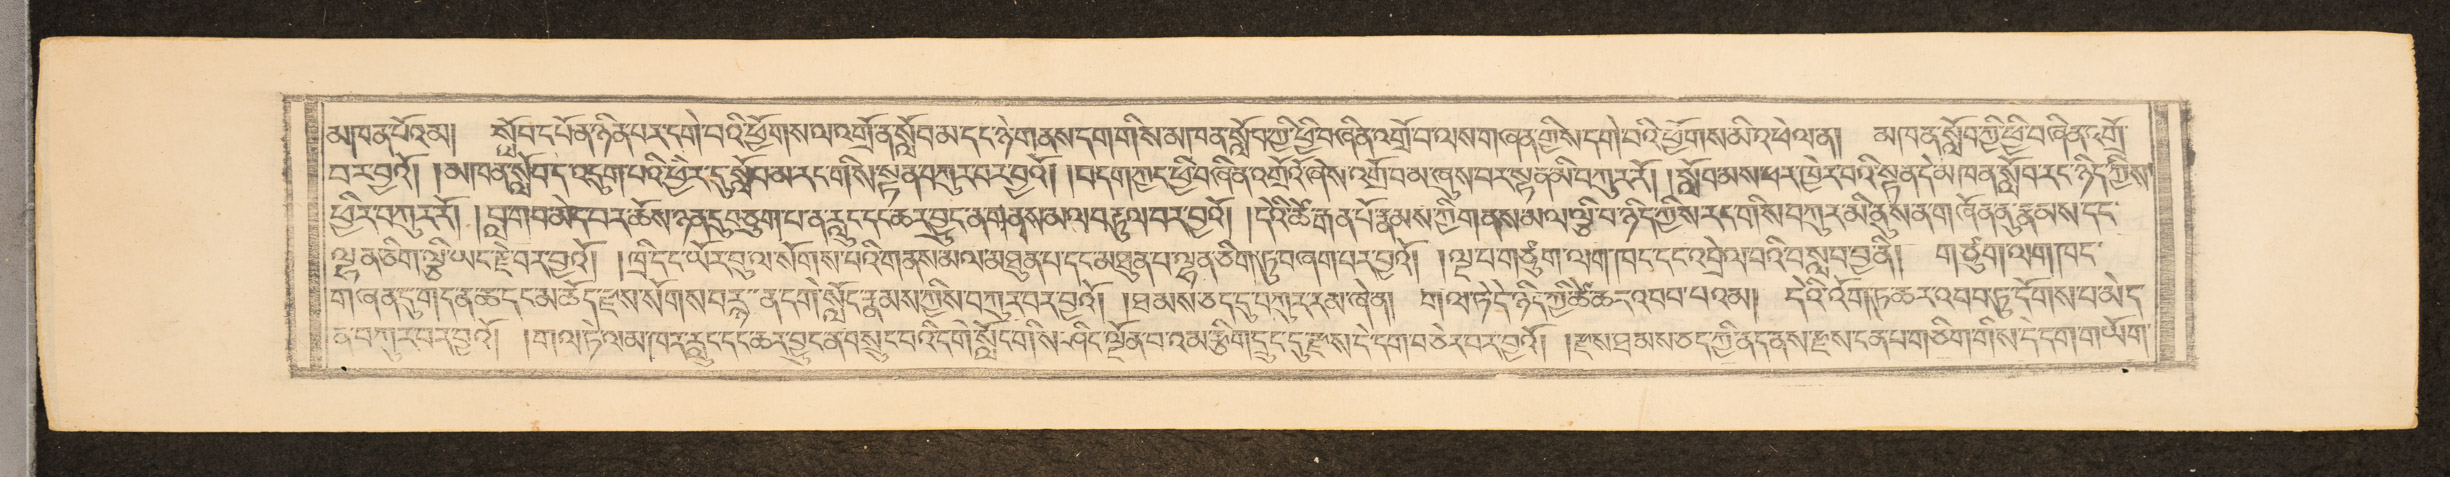མཁན་པོའམ། སློབ་དཔོན་ཉིན་པར་དགེ་བའི་ཕྱོགས་ལ་འགྲོ་ན་སློབ་མ་དང་ཉེ་གནས་དག་གིས་མཁན་སློབ་ཀྱི་ཕྱི་བཞིན་འགྲོ་བ་ལས་གཞན་གྱིས་དགེ་བའི་ཕྱོགས་མི་འཕེལ་ན། མཁན་སློབ་ཀྱི་ཕྱི་བཞིན་འགྲོ་
བར་བྱའོ། །མཁན་སློབ་དེ་འདུག་པའི་ཕྱིར་དུ་སློབ་མ་རང་གིས་སྟན་བཀུར་བར་བྱའོ། །བདག་ཀྱང་ཕྱི་བཞིན་འགྲོའོ་ཞེས་འགྲོ་བ་མ་ཞུས་པར་སྟན་མི་བཀུར་རོ། །སློབ་མས་ཕར་ཁྱེར་བའི་སྟན་དེ་མཁན་སློབ་རང་ཉིད་ཀྱིས་
ཕྱིར་བ་ཀུར་རོ། །བླ་གབ་མེད་པར་ཆོས་ཉན་དུ་བཅུག་པ་ན་རླུང་དང་ཆར་བྱུང་ན་གནས་མལ་བརྟུལ་བར་བྱའོ། །དེའི་ཚེ་རྒན་པོ་རྣམས་ཀྱི་གནས་མལ་ལྕི་བ་ཉིད་ཀྱིས་རང་གིས་བཀུར་མི་ནུས་ན་གཞོན་ནུ་རྣམས་དང་
ལྷན་ཅིག་ལྕི་ཡང་རྗེ་བར་བྱའོ། །ཁྲི་དང་གོར་བུ་ལ་སོགས་པའི་གནས་མལ་མཐུན་པ་དང་མཐུན་པ་ལྷན་ཅིག་ཏུ་བཞག་པར་བྱའོ། །ལྔ་པ་གཙུག་ལག་ཁང་དང་འབྲེལ་བའི་བསླབ་བྱ་ནི། གཙུག་ལག་ཁང་
གཞན་དུ་གདན་ཆ་དང་མཆོད་རྫས་སོགས་བརྙན་དགེ་སློང་རྣམས་ཀྱིས་བཀུར་བར་བྱའོ། །ཐམས་ཅད་དུ་བཀུར་རམ་ཞེ་ན། གལ་ཏེ་དེ་ཉིད་ཀྱི་ཚེ་ཆར་འབབ་པའམ། དེའི་འོག་ཏུ་ཆར་འབབ་ཏུ་དོགས་པ་མེད་
ན་བཀུར་བར་བྱའོ། །གལ་ཏེ་ལམ་ཁར་རླུང་དང་ཆར་བྱུང་ན་བསྲུང་བའི་དགེ་སློང་གིས་ཤིང་ལྗོན་པ་འམ་རྩིག་དྲུང་དུ་རྫས་དེ་དག་བཅེར་བར་བྱའོ། །རྫས་ཐམས་ཅད་ཀྱི་ནད་ནས་རྫས་ངན་པ་གཅིག་གིས་དེ་དག་གཡོག་